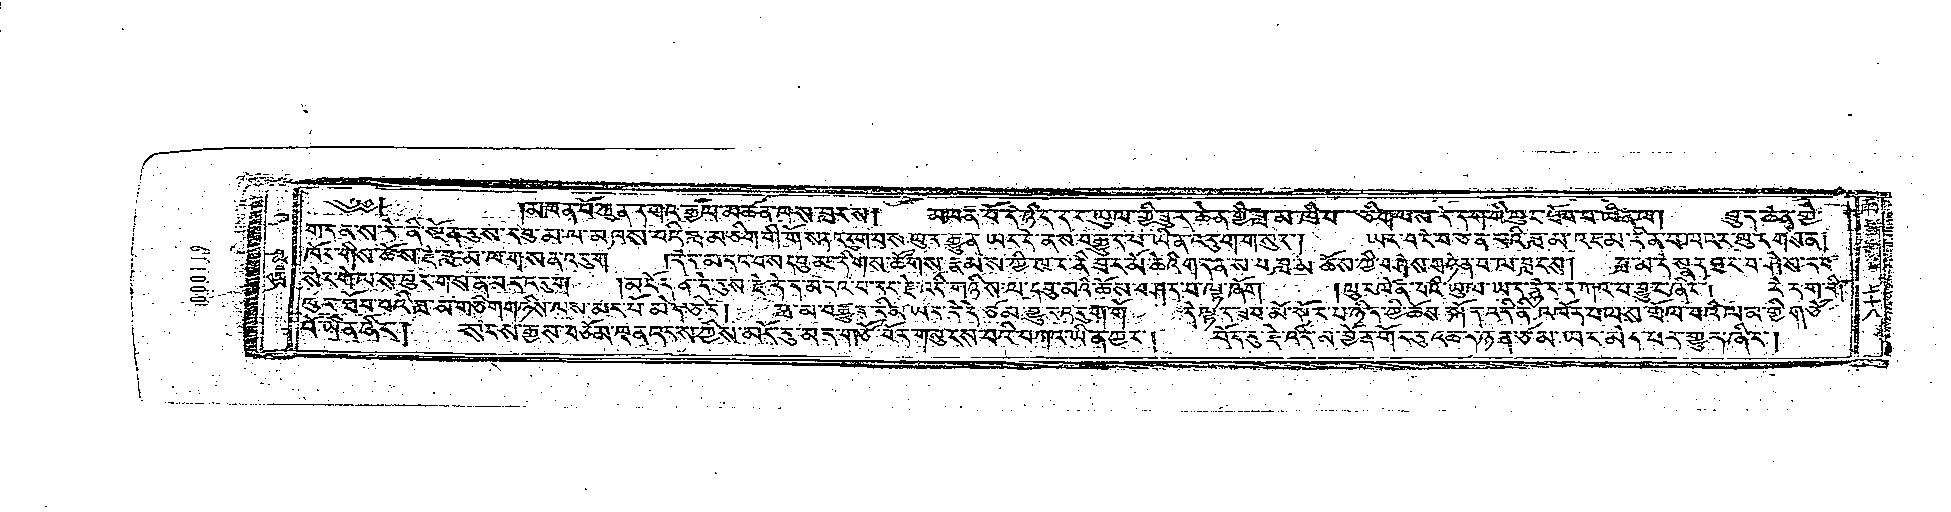༄༅། །མཁན་པོ་ཀུན་དགའ་རྒྱལ་མཚན་ལས་བླངས། མཁན་པོ་དེ་ཉིད་དང་ཡུལ་གྱི་ཟུར་ཆེན་གྱི་བླ་མ་ཁྲི་པ་ཅིག་ལས་དེ་དག་གི་ལུང་ཐོབ་པ་ཡིན་ལ། ཟུར་ཆེན་གྱི་
གདན་ས་དེ་ནི་སྔོན་དུས་དབུ་མ་ལ་མཁས་པའི་བླ་མ་ཅིག་གི་གོ་སར་འདུག་བས་ལུང་རྒྱུན་ཡང་དེ་ནས་བརྒྱུད་པ་ཡིན་འདུག་གསུང་། ཡར་བདེ་བ་ཅན་པའི་བླ་མ་འཇམ་རིན་པ་ལའང་ལུང་གསན།
ཁོང་གིས་ཆོས་རྗེ་བླ་མ་ལ་གསན་འདུག །དེང་མདའ་བས་དབུ་མ་རིགས་ཚོགས་རྣམས་ཀྱི་ལུང་ནི་བྲང་མོ་ཆེའི་གདན་ས་པ་བླ་མ་ཆོས་ཀྱི་བཤེས་གཉེན་བ་ལ་བླངས། བླ་མ་དེ་སྣར་ཐང་བ་ཤེས་རབ་
སེང་གེ་ལས་ལུང་གསན་པར་འདུག །མདོར་ན་དེ་དུས་རྗེ་རེད་མདའ་པ་དང་རྗེ་འདི་གཉིས་ལ་དབུ་མའི་ཆོས་བཤད་པ་ལྟ་ཞོག །ལུང་ལེན་པའི་ཡུལ་ཡང་རྙེད་དཀའ་བ་བྱུང་ཞིང་། དེ་དག་གི་
ལུང་ཐོབ་པའི་བླ་མ་གཅིག་གཉིས་ལས་མང་པོ་མེད་ཅིང་། བླ་མ་བརྒྱུད་རིམ་ཡང་རེ་རེ་ཙམ་བྱུང་འདུག་གོ་དེ་ལྟར་ཟབ་མོ་སྟོང་པ་ཉིད་ཀྱི་ཆོས་སྐོར་འདི་ནི་འཁོར་བ་ལས་གྲོལ་བའི་ལམ་གྱི་གཙོ་
བོ་ཡིན་ཞིང་། སངས་རྒྱས་བཅོམ་ལྡན་འདས་ཀྱིས་མདོ་དུ་མར་གཙོ་བོར་གསུངས་པའི་བཀའ་ཡིན་ཀྱང་། བོད་དུ་རྗེ་འདི་མ་བྱོན་གོང་དུ་འཆང་ཉན་ཙམ་ཡང་མེད་པར་གྱུར་ཞིང་།